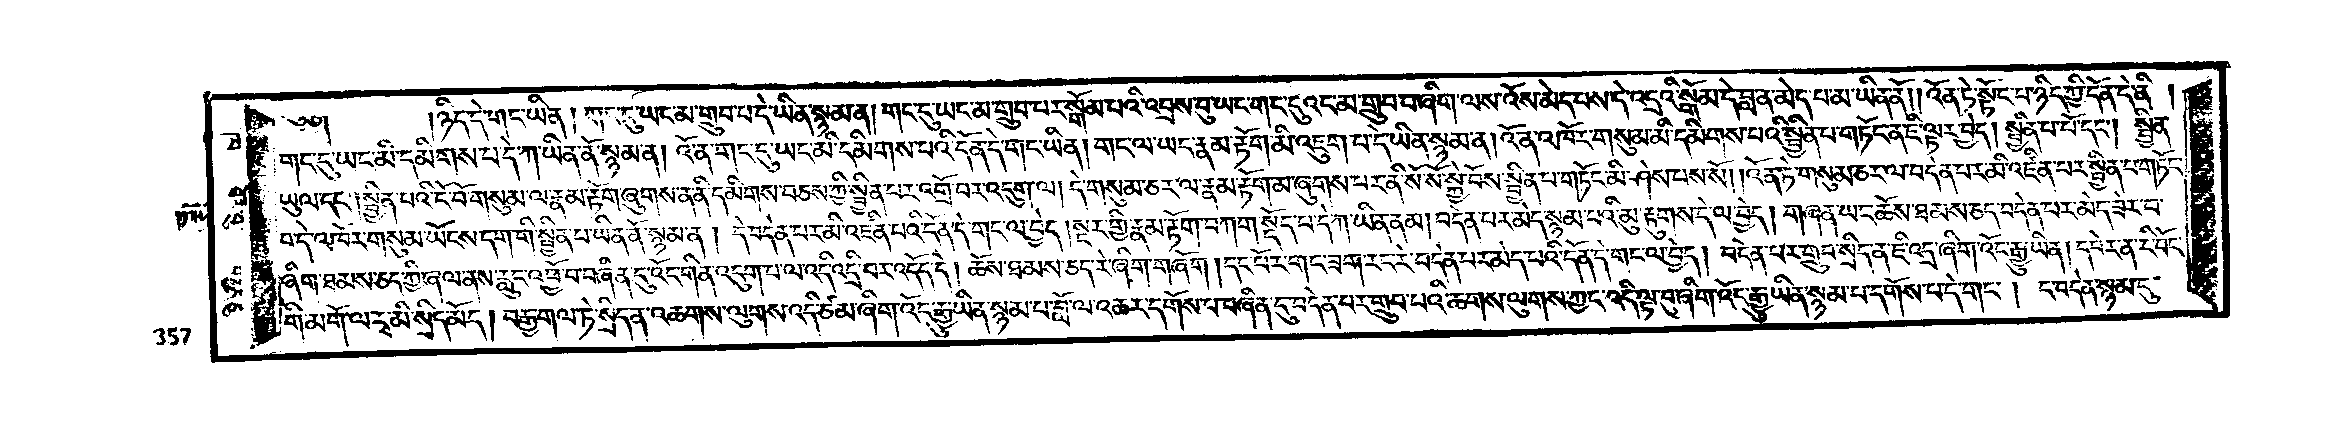༄༅། །ཉིད་དེ་གང་ཡིན། གང་དུ་ཡང་མ་གྲུབ་པ་དེ་ཡིན་སྙམ་ན། གང་དུ་ཡང་མ་གྲུབ་པར་སྒོམ་པའི་འབྲས་བུ་ཡང་གང་དུ་འང་མ་གྲུབ་པ་ཞིག་ལས་འོས་མེད་པས་དེ་འདྲའི་སྒོམ་དེ་བླ་ན་མེད་པ་མ་ཡིན་ནོ། །འོན་ཏེ་སྟོང་པ་ཉིད་ཀྱི་དོན་དེ་ནི།
གང་དུ་ཡང་མི་དམིགས་པ་དེ་ཀ་ཡིན་ནོ་སྙམ་ན། འོ་ན་གང་དུ་ཡང་མི་དམིགས་པའི་དོན་དེ་གང་ཡིན། གང་ལ་ཡང་རྣམ་རྟོག་མི་འཇུག་པ་དེ་ཡིན་སྙམ་ན། འོ་ན་འཁོར་གསུམ་མི་དམིགས་པའི་སྦྱིན་པ་གཏོང་ན་ཇི་ལྟར་བྱེད། སྦྱིན་པ་པོ་དང་། སྦྱིན་
ཡུལ་དང་། སྦྱིན་པའི་ངོ་བོ་གསུམ་ལ་རྣམ་རྟོག་ཞུགས་ན་ནི་དམིགས་བཅས་ཀྱི་སྦྱིན་པར་འགྲོ་བར་འདུག་ལ། དེ་གསུམ་ཅར་ལ་རྣམ་རྟོག་མ་ཞུགས་པར་ནི་སོ་སོ་སྐྱེ་བོས་སྦྱིན་པ་གཏོང་མི་ཤེས་པས་སོ། །འོན་ཏེ་གསུམ་ཅར་ལ་བདེན་པར་མི་འཛིན་པར་སྦྱིན་པ་གཏོང་
བ་དེ་འཁོར་གསུམ་ཡོངས་དག་གི་སྦྱིན་པ་ཡིན་ནོ་སྙམ་ན། དེ་བདེན་པར་མི་འཛིན་པའི་དོན་དེ་གང་ལ་བྱེད། སྔར་གྱི་རྣམ་རྟོག་བཀག་སྡོད་པ་དེ་ཀ་ཡིན་ནམ། བདེན་པར་མེད་སྙམ་པའི་མུ་དུགས་དེ་ལ་བྱེད། གཞན་ཡང་ཆོས་ཐམས་ཅད་བདེན་པར་མེད་ཟེར་བ་
ཞིག་ཐམས་ཅད་ཀྱི་ཞལ་ནས་རླུང་འཕྱོ་བ་བཞིན་དུ་འོང་གིན་འདུག་པ་ལ་འདི་འདྲི་བར་འདོད་དེ། ཆོས་ཐམས་ཅད་རེ་ཞིག་གཞོག །དང་པོར་གང་ཟག་རང་རེ་བདེན་པར་མེད་པའི་དོན་དེ་གང་ལ་བྱེད། བདེན་པར་གྲུབ་སྲིད་ན་ཇི་འདྲ་ཞིག་འོང་རྒྱུ་ཡིན། དཔེར་ན་རི་བོང་
གི་མགོ་ལ་རྭ་མི་སྲིད་མོད། བརྒྱ་གལ་ཏེ་སྲིད་ན་འཆགས་ལུགས་འདི་ཙམ་ཞིག་འོང་རྒྱུ་ཡིན་སྙམ་པ་བློ་ལ་འཆར་དགོས་པ་བཞིན་དུ་བདེན་པར་གྲུབ་པའི་ཆགས་ལུགས་ཀྱང་འདི་ལྟ་བུ་ཞིག་འོང་རྒྱུ་ཡིན་སྙམ་པ་དགོས་པ་དེ་གང་། ང་བདེན་སྙམ་དུ་